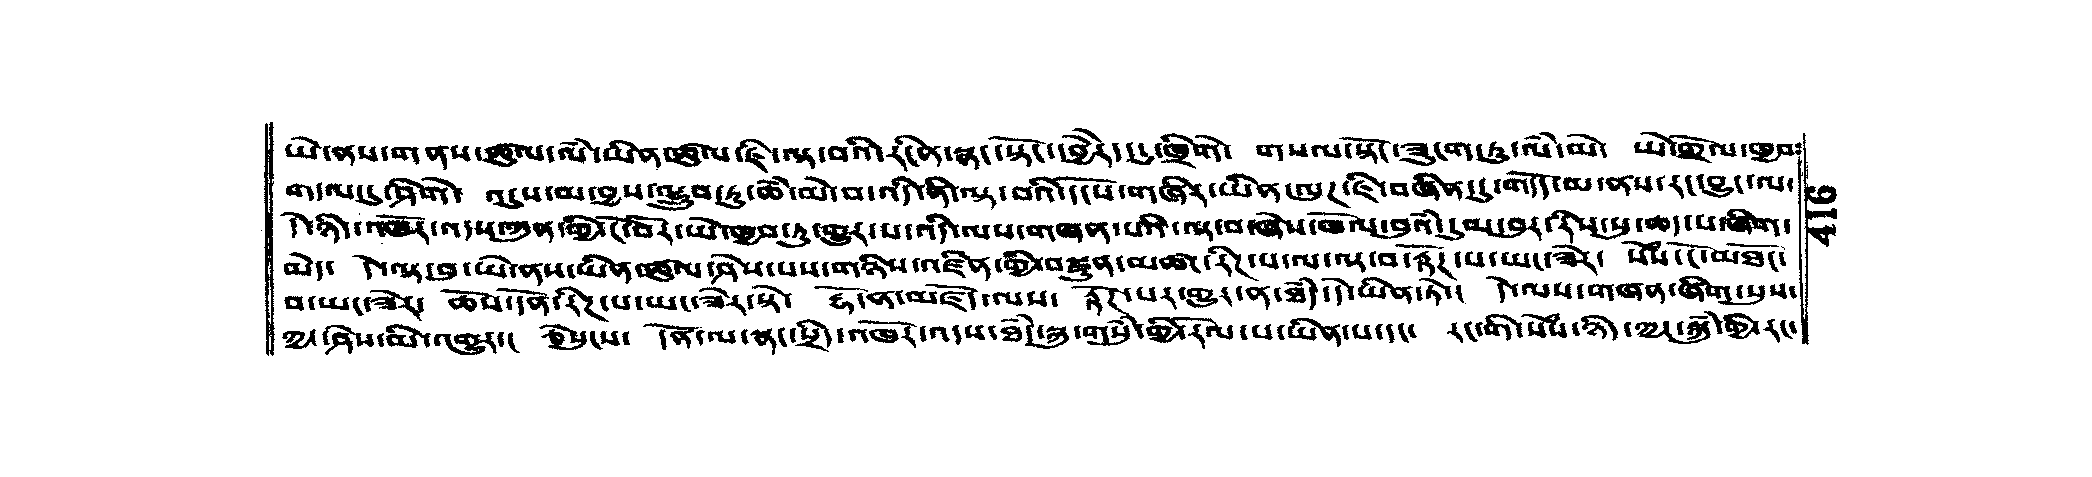ཡེ་ནས་གནས་ཚུལ་ལམ་ཡིན་ཚུལ་ཇི་ལྟ་བའི་རང་བཞིན་སྣང་སྟོང་དབྱེར་མེད་དུ་ཁྲིག་གེ གསལ་སྟོང་ཟུང་འཇུག་ཏུ་ལམ་མེ། ཡེ་གྲོལ་ཁྱབ་
གདལ་དུ་ཤིག་གེ། འདུས་མ་བྱས་ལྷུན་གྲུབ་ཏུ་ཆམ་མེ་བ་འདི་ནི་ལྟ་བའི་དངོས་གཞི་ཡིན་ལུགས་ཇི་བཞིན་དུ་གདོད་མ་ནས་རང་བྱུང་ལ་
དེ་ཉིད་འཁོར་འདས་ཀུན་གྱི་ངོ་བོར་ཡེ་ཁྱབ་ཏུ་གྱུར་པ་འདི་ལས་གཞན་པའི་ལྟ་བ་ཞེས་ཁོལ་བུའམ་དུམ་བུར་རིས་སུ་ཆད་པ་ཞིག་
མེད།དེ་ལྟ་བུ་ཡེ་ནས་ཡིན་ཚུལ་ཤེས་པས་གཉིས་འཛིན་གྱི་བརྫུན་མཚང་རིག་པ་ལ་ལྟ་བ་རྟོགས་པ་ཡང་ཟེར། སེམས་ངོ་མཐོང་
བ་ཡང་ཟེར། ཆོས་དོན་རིག་པ་ཡང་ཟེར་ཏེ། དོ་ཧ་མཛོད་ལས། རྟོགས་པར་གྱུར་ན་ཐམས་ཅད་དེ་ཡིན་ཏེ། །དེ་ལས་གཞན་ཞིག་སུས་
ཀྱང་ཤེས་མི་འགྱུར། ཅེས་གསུངས། དོན་ལ་སྣང་སྲིད་འཁོར་འདས་ཐམས་ཅད་སྐུ་གསུམ་གྱི་རོལ་པ་ཡིན་པ་དང་། རང་གི་སེམས་ཉིད་ཀྱང་སྐུ་གསུམ་གྱི་རང་